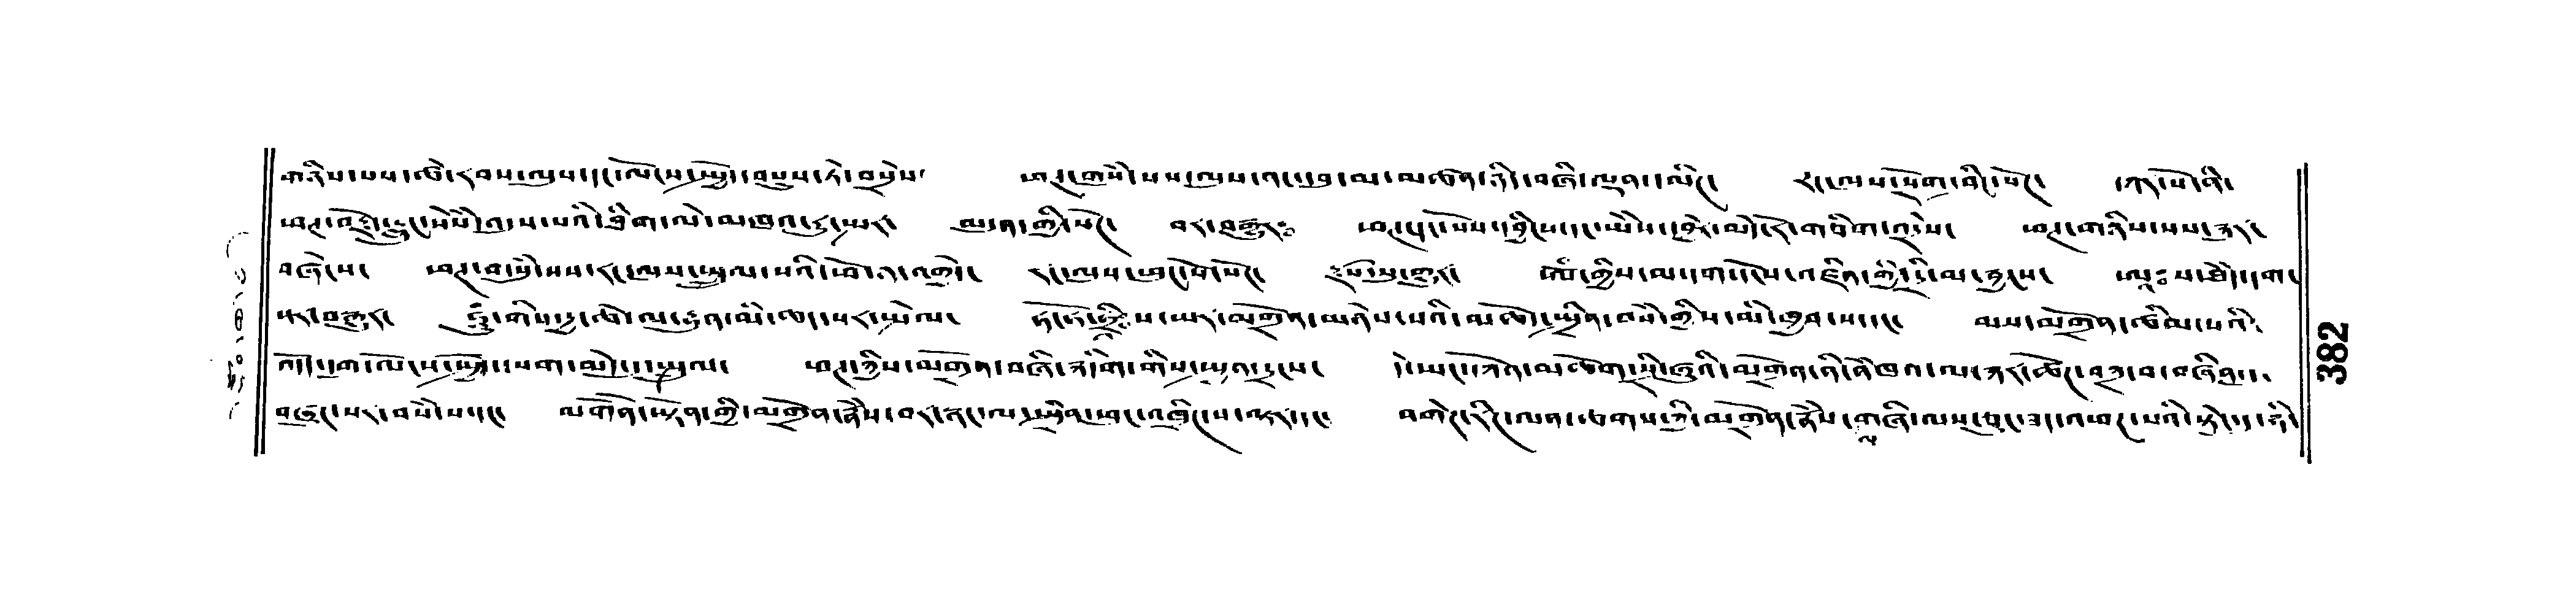གཉིས་པས་ཚེ་རབས་ལུས་དང་ལོངས་སྤྱོད་བསྡུས་ཏེ་བསྲེས། ཕཊ་གསུམ་པས་ལུས་ནང་དབུ་མ་མཚན་ཉིད་བཞི་ལྡན་དམིགས། རང་ལུས་སྲོག་ཤིང་སོགས། དཀར་པོ་ནི་
ཕཊ་བརྗོད་རླུང་སེམས་འདུས་པའི་ཐིག་ལེ་མཁའ་རུ་སྤར། མདུན་གྱི་སོགས། བར་བསྒྱུར༔ ཕཊ་དང་པོས་དབྱིངས་དང་ཡེ་ཤེས་དབྱེར་མེད་རོ་གཅིག་འདྲེས། ཕཊ་གཉིས་པས་སྐུར་
བཞེངས། ཕཊ་གསུམ་པས་རང་ལུས་སྤྲུལ་པའི་ཕོ་ཉ་འགྱེད། རང་ལུས་ཕུང་པོ་སོགས། རྫས་སུ་གྱུར༔ ཨོཾ་གྱིས་མ་དག་དངོས་འཛིན་གྱི་དྲི་མ་སྦྱངས། ཨཱཿས་ཐམས་ཅད་དག་
པར་བསྒྱུར། ཧཱུྃ་གིས་རྒྱ་ཆེ་ལ་རྒྱུན་མི་ཆད་པར་སྤེལ། ཧ་ཧོ་ཧྲཱིཿས་ཡར་མགྲོན་མཉེས་པའི་མཆོད་སྤྲིན་བསམ་གྱིས་མི་ཁྱབ་པ་དང་། མས་མགྲོན་ཚིམ་པའི་
འདོད་དགུ་ལོངས་སྤྱོད་དཔག་མེད་དུ་སྤྲུལ། ཕཊ་ཀྱིས་མགྲོན་བཞི་སྐད་ཅིག་གིས་སྤྱན་དྲངས། དེ་ཡང་དཀོན་མཆོག་སྲི་ཞུའི་མགྲོན་ནི་ནམ་མཁའ་ལ་སྐར་ཚོགས་བཀྲ་བ་བཞིན་དུ་
བཞུགས་པར་བསམ་པ་དང་། མགོན་པོ་ཡོན་ཏན་གྱི་མགྲོན་རྣམས་བར་སྣང་ལ་སྤྲིན་ཕུང་འཁྲིགས་པ་ལྟར་དང་། བགེགས་རིགས་ལན་ཆགས་ཀྱི་མགྲོན་རྣམས་ས་གཞི་ལས་ཅུང་ཟད་འཕགས་པའི་སྟེང་དུ་ཉི་